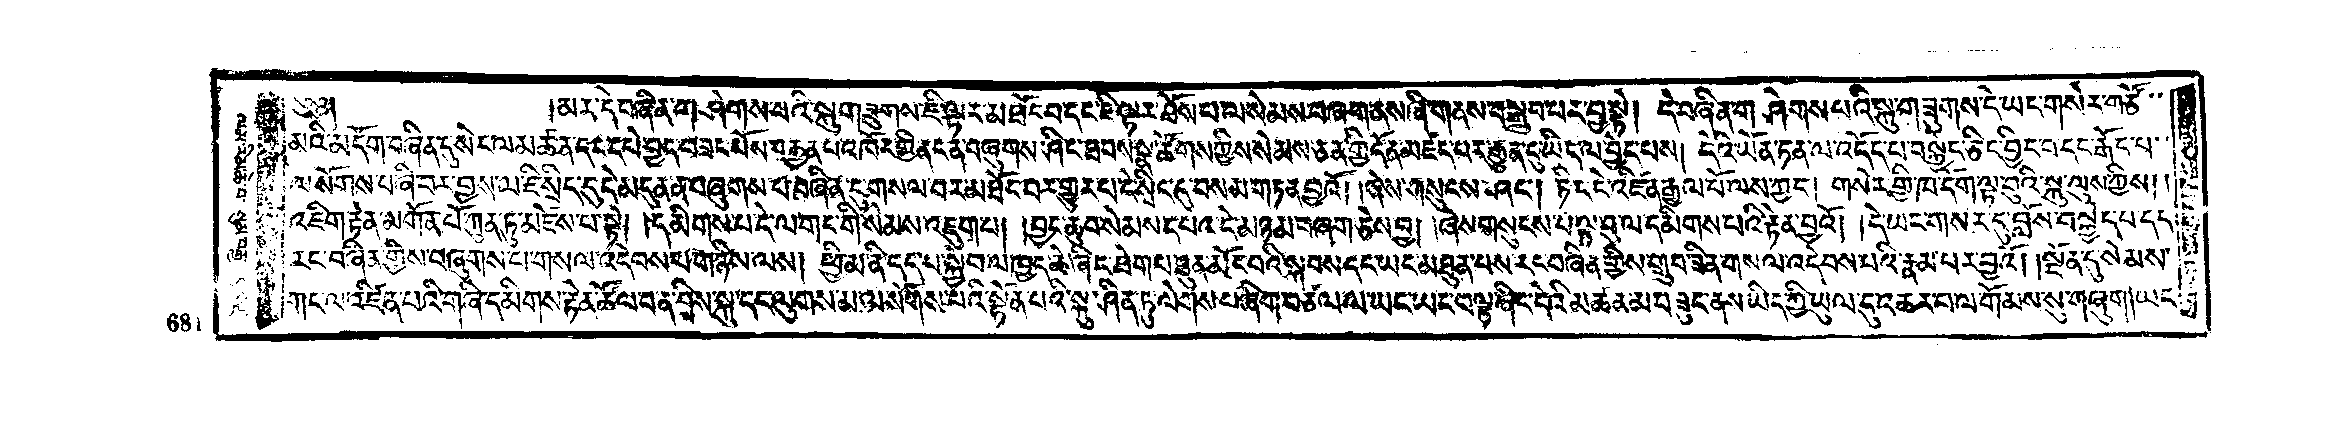༄༅། །མར་དེ་བཞིན་གཤེགས་པའི་སྐུ་གཟུགས་ཇི་ལྟར་མཐོང་བ་དང་ཇི་ལྟར་ཐོས་པ་ལ་སེམས་བཞག་ནས་ཞི་གནས་བསྒྲུབ་པར་བྱ་སྟེ། དེ་བཞིན་གཤེགས་པའི་སྐུ་གཟུགས་དེ་ཡང་གསེར་བཙོ་
མའི་མདོག་བཞིན་དུ་སེར་ལ་མཚན་དང་དཔེ་བྱད་བཟང་པོས་བརྒྱན་པ་འཁོར་གྱི་ནང་ན་བཞུགས་ཤིང་ཐབས་སྣ་ཚོགས་ཀྱིས་སེམས་ཅན་གྱི་དོན་མཛད་པར་རྒྱུན་དུ་ཡིད་ལ་བྱེད་པས། དེའི་ཡོན་ཏན་ལ་འདོད་པ་བསྐྱེད་ཅིང་བྱིང་བ་དང་རྒོད་པ་
ལ་སོགས་པ་ཞི་བར་བྱས་ལ་ཇི་སྲིད་དུ་དེ་མདུན་ན་བཞུགས་པ་བཞིན་དུ་གསལ་བར་མཐོང་བར་གྱུར་པ་དེ་སྲིད་དུ་བསམ་གཏན་བྱའོ། །ཞེས་གསུངས་ཤིང་། ཏིང་ངེ་འཛིན་རྒྱལ་པོ་ལས་ཀྱང་། གསེར་གྱི་ཁ་དོག་ལྟ་བུའི་སྐུ་ལུས་ཀྱིས། །
འཇིག་རྟེན་མགོན་པོ་ཀུན་ཏུ་མཛེས་པ་སྟེ། །དམིགས་པ་དེ་ལ་གང་གི་སེམས་འཇུག་པ། །བྱང་ཆུབ་སེམས་དཔའ་དེ་མཉམ་བཞག་ཅེས་བྱ། །ཞེས་གསུངས་པ་ལྟ་བུ་ལ་དམིགས་པའི་རྟེན་བྱའོ། །དེ་ཡང་གསར་དུ་བློས་བསྐྱེད་པ་དང་
རང་བཞིན་གྱིས་བཞུགས་པ་གསལ་འདེབས་པ་གཉིས་ལས། ཕྱི་མ་ནི་དད་པ་སྐྱེ་བ་ལ་ཁྱད་ཆེ་ཞིང་ཐེག་པ་ཐུན་མོང་བའི་སྐབས་དང་ཡང་མཐུན་པས་རང་བཞིན་གྱིས་གྲུབ་ཟིན་གསལ་འདེབས་པའི་རྣམ་པར་བྱའོ། །སྔོན་དུ་སེམས་
གང་ལ་འཛིན་པའི་གཞི་དམིགས་རྟེན་ཚོལ་བ་ན་བྲིས་སྐུ་དང་ལུགས་མ་ལ་སོགས་པའི་སྟོན་པའི་སྐུ་ཤིན་ཏུ་ལེགས་པ་ཞིག་བཙལ་ལ་ཡང་ཡང་བལྟ་ཞིང་དེའི་མཚན་མ་བཟུང་ནས་ཡིད་ཀྱི་ཡུལ་དུ་འཆར་བ་ལ་གོམས་སུ་གཞུག །ཡང་